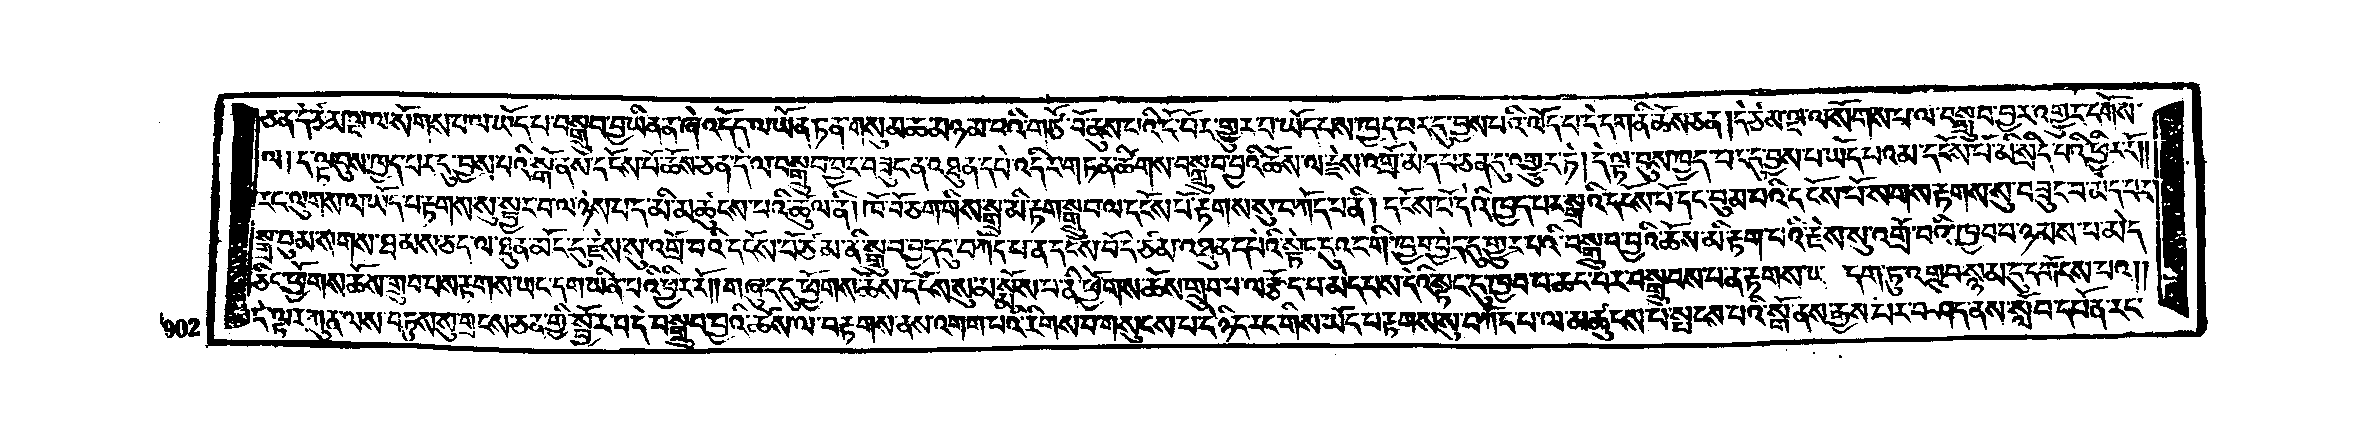ཅན་དེ་ཙམ་ལྔ་ལ་སོགས་པ་ལ་ཡོད་པ་བསྒྲུབ་བྱ་ཡིན་ན་ཞེ་འདོད་ལ་ཡོན་ཏན་གསུམ་ཆ་མཉམ་པའི་གཙོ་བོ་ནུས་པའི་ངོ་བོར་གྱུར་པ་ཡོད་པས་ཁྱད་པར་དུ་བྱས་པའི་ཡོད་པ་དེ་དག་ནི་ཆོས་ཅན། དེ་ཙམ་ལྔ་ལ་སོགས་པ་ལ་བསྒྲུབ་བྱར་འགྱུར་དགོས་
ལ། དེ་ལྟ་བུས་ཁྱད་པར་དུ་བྱས་པའི་སྒོ་ནས་དངོས་པོ་ཆོས་ཅན་དེ་ལ་བསྒྲུབ་བྱར་བཟུང་ན་འཐུན་དཔེ་འདིར་གཏན་ཚིགས་བསྒྲུབ་བྱའི་ཆོས་ལ་རྗེས་འགྲོ་མེད་པ་ཅན་དུ་འགྱུར་ཏེ། དེ་ལྟ་བུས་ཁྱད་པར་དུ་བྱས་པ་ཡོད་པའམ་དངོས་པོ་མི་སྲིད་པའི་ཕྱིར་རོ། །
རང་ལུགས་ལ་ཡོད་པ་རྟགས་སུ་སྦྱར་བ་ལ་ཉེས་པ་དེ་མི་མཚུངས་པའི་ཚུལ་ནི། ཁོ་བོ་ཅག་གིས་སྒྲ་མི་རྟག་སྒྲུབ་ལ་དངོས་པོ་རྟགས་སུ་བཀོད་པ་ནི། དངོས་པོ་དེའི་ཁྱད་པར་སྒྲའི་དངོས་པོ་དང་བུམ་པའི་དངོས་པོ་སོགས་རྟགས་སུ་བཟུང་བ་མེད་པར་
སྒྲ་བུམ་སོགས་ཐམས་ཅད་ལ་ཐུན་མོང་དུ་རྗེས་སུ་འགྲོ་བའི་དངོས་པོ་ཙམ་ནི་སྒྲུབ་བྱེད་དུ་བཀོད་པ་ན་དངོས་པོ་དེ་ཙམ་འཐུན་དཔེའི་སྟེང་དུའང་གི་ཁྱབ་བྱེད་དུ་གྱུར་པའི་བསྒྲུབ་བྱའི་ཆོས་མི་རྟག་པའི་རྗེས་སུ་འགྲོ་བའི་ཁྱབ་པ་ཉམས་པ་མེད་
ཅིང་ཕྱོགས་ཆོས་གྲུབ་པས་རྟགས་ཡང་དག་ཡིན་པའི་ཕྱིར་རོ། །གཞུང་དུ་ཕྱོགས་ཆོས་དངོས་སུ་མ་སྨོས་པ་ནི་ཕྱོགས་ཆོས་གྲུབ་པ་ལ་རྩོད་པ་མེད་པས་དེའི་སྟེང་དུ་ཁྱབ་པ་ཆད་པར་བསྒྲུབས་པ་ན་རྟགས་ཡང་དག་ཏུ་འགྲུབ་སྙམ་དུ་དགོངས་པའི། །
དེ་ལྟར་ཀུན་ལས་བཏུས་སུ་གྲངས་ཅན་གྱི་སྦྱོར་བདེ་བསྒྲུབ་བྱའི་ཆོས་ལ་བརྟགས་ནས་འགག་པའི་རིགས་པ་གསུངས་པ་དེ་ཉིད་རང་གིས་ཡོད་པ་རྟགས་སུ་བཀོད་པ་ལ་མཚུངས་པ་སྤངས་པའི་སྒོ་ནས་རྒྱས་པར་བཤད་ནས་སློབ་དཔོན་རང་